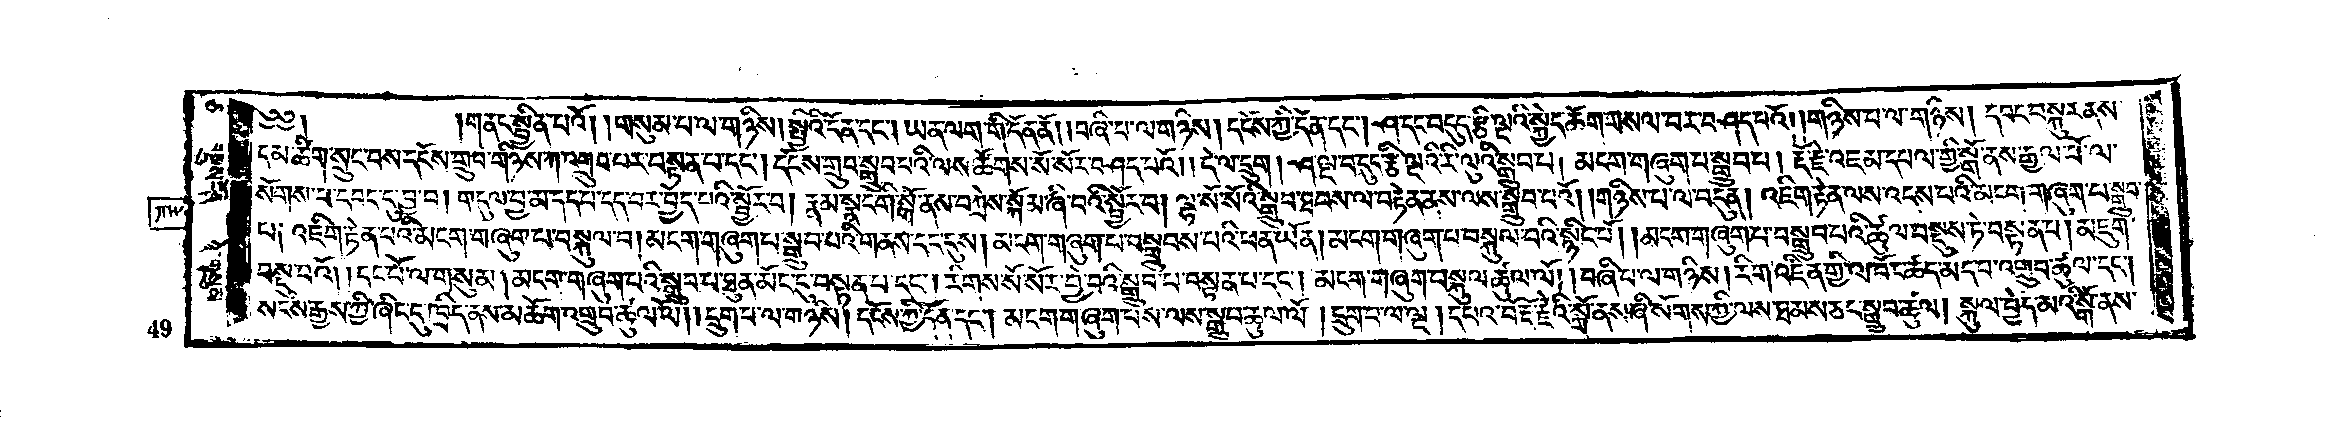༄༅། །གནང་སྦྱིན་པའོ། །གསུམ་པ་ལ་གཉིས། སྤྱིའི་དོན་དང་། ཡན་ལག་གི་དོན་ནོ། །བཞི་པ་ལ་གཉིས། དངོས་ཀྱི་དོན་དང་། ཤ་དང་བདུད་རྩི་ལྔའི་སྐྱེད་ཆོག་གསལ་བར་བཤད་པའོ། །གཉིས་པ་ལ་གཉིས། དབང་བསྐུར་ནས་
དམ་ཚིག་སྲུང་བས་དངོས་གྲུབ་གཉིས་ཀ་འགྲུབ་པར་བསྟན་པ་དང་། དངོས་གྲུབ་སྒྲུབ་པའི་ལས་ཚོགས་སོ་སོར་བཤད་པའོ། །དེ་ལ་དྲུག །ཤ་ལྔ་བདུད་རྩི་ལྔའི་རི་ལུའི་སྒྲུབ་པ། མངག་གཞུག་པ་སྒྲུབ་པ། རྡོ་རྗེ་འཇམ་དཔལ་གྱི་སྒོ་ནས་རྒྱལ་པོ་ལ་
སོགས་པ་དབང་དུ་བྱ་བ། གདུལ་བྱ་མ་དད་པ་དད་པར་བྱེད་པའི་སྦྱོར་བ། རྣམ་སྣང་གི་སྒོ་ནས་བཀྲེས་སྐོམ་ཞི་བའི་སྦྱོར་བ། ལྷ་སོ་སོའི་སྒྲུབ་ཐབས་ལ་བརྟེན་ནས་ལས་སྒྲུབ་པའོ། །གཉིས་པ་ལ་བདུན། འཇིག་རྟེན་ལས་འདས་པའི་མངག་གཞུག་པ་སྒྲུབ་
པ༑ འཇིག་རྟེན་པའི་མངག་གཞུག་པ་བསྐུལ་བ། མངག་གཞུག་པ་སྒྲུབ་པའི་གནས་དང་དུས། མངག་གཞུག་པ་བསྒྲུབས་པའི་ཕན་ཡོན། མངག་གཞུག་པ་བསྐུལ་བའི་སྙིང་པོ། །མངག་གཞུག་པ་བསྒྲུབ་པའི་ཚུལ་བསྡུས་ཏེ་བསྟན་པ། མཇུག་
བསྡུ་བའོ། །དང་པོ་ལ་གསུམ། མངག་གཞུག་པའི་སྒྲུབ་པ་ཐུན་མོང་དུ་བསྟན་པ་དང་། རིགས་སོ་སོར་བྱེ་བའི་སྒྲུབ་པ་བསྟན་པ་དང་། མངག་གཞུག་བསྐུལ་ཚུལ་ལོ། །བཞི་པ་ལ་གཉིས། རིག་འཛིན་གྱི་འཁོར་ཚད་མེད་པ་འགྲུབ་ཚུལ་དང་།
སངས་རྒྱས་ཀྱི་ཞིང་དུ་ཁྲིད་ནས་མཆོག་འགྲུབ་ཚུལ་ལོ། །དྲུག་པ་ལ་གཉིས། དངོས་ཀྱི་དོན་དང་། མངག་གཞུག་པས་ལས་སྒྲུབ་ཚུལ་ལོ། དྲུག་པ་ལ་ལྔ། དཔའ་བོ་རྡོ་རྗེའི་སྒོ་ནས་ཞི་སོགས་ཀྱི་ལས་ཐམས་ཅད་སྒྲུབ་ཚུལ། སྐུལ་བྱེད་མའི་སྒོ་ནས་